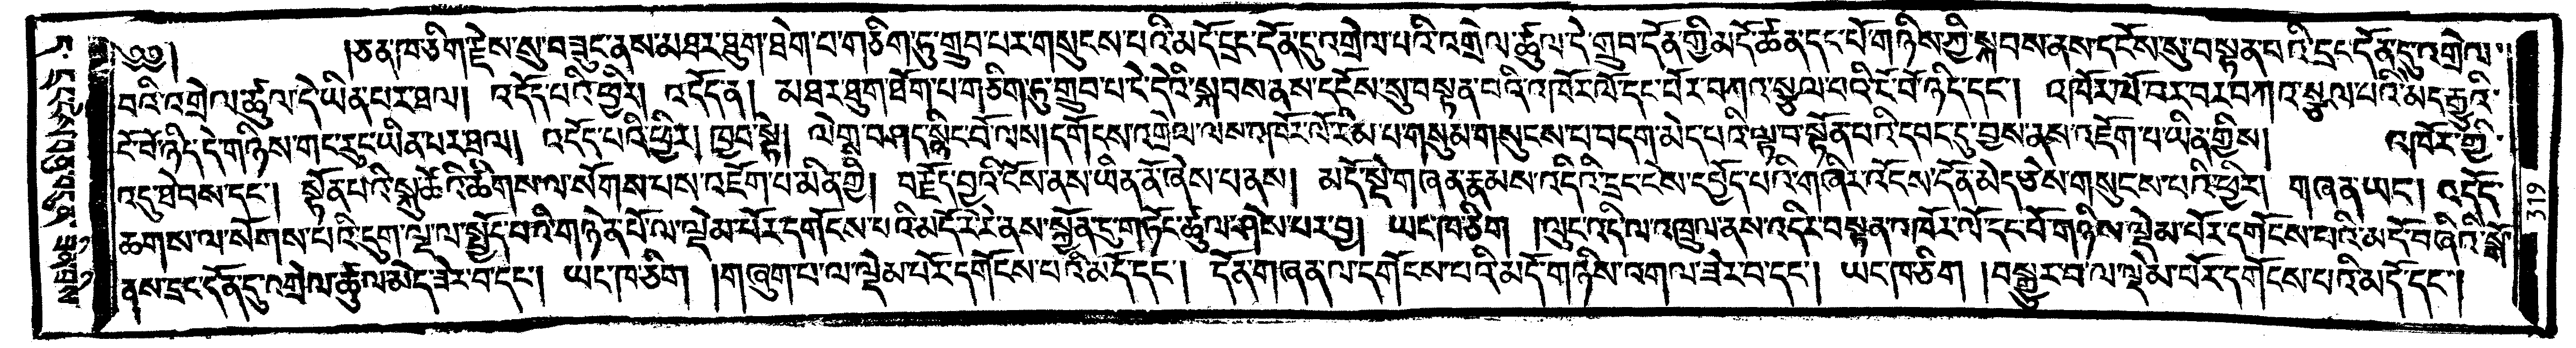༄༅། །ཅན་ཁ་ཅིག་རྗེས་སུ་བཟུང་ནས་མཐར་ཐུག་ཐེག་པ་གཅིག་ཏུ་གྲུབ་པར་གསུངས་པའི་མདོ་དྲང་དོན་དུ་འགྲེལ་པའི་འགྲེལ་ཚུལ་དེ་གྲུབ་དོན་གྱི་མདོ་ཚན་དང་པོ་གཉིས་ཀྱི་སྐབས་ནས་དངོས་སུ་བསྟན་པའི་དྲང་དོན་དུ་འགྲེལ་
བའི་འགྲེལ་ཚུལ་དེ་ཡིན་པར་ཐལ། འདོད་པའི་ཕྱིར། འདོད་ན། མཐར་ཐུག་ཐོག་པ་གཅིག་ཏུ་གྲུབ་པ་དེ་དེའི་སྐབས་ནས་དངོས་སུ་བསྟན་པའི་འཁོར་ལོ་དང་པོར་བཀའ་སྩལ་པའི་ངོ་བོ་ཉིད་དང་། འཁོར་ལོ་བར་བར་བཀའ་སྩལ་པའི་མེད་རྒྱུའི་
ངོ་བོ་ཉིད་དེ་གཉིས་གང་རུང་ཡིན་པར་ཐལ། འདོད་པའི་ཕྱིར། ཁྱབ་སྟེ། ལེགས་བཤད་སྙིང་པོ་ལས། དགོངས་འགྲེལ་ལས་འཁོར་ལོ་རིམ་པ་གསུམ་གསུངས་པ་བདག་མེད་པའི་ལྟ་བ་སྟོན་པའི་དབང་དུ་བྱས་ནས་འཇོག་པ་ཡིན་གྱིས། འཁོར་གྱི་
འདུ་ཐེབས་དང་། སྟོན་པའི་སྐུ་ཚེའི་ཚིགས་ལ་སོགས་པས་འཇོག་པ་མིན་གྱི། བརྗོད་བྱའི་ངོས་ནས་ཡིན་ནོ་ཞེས་པ་ནས། མདོ་སྡེ་གཞན་རྣམས་འདིའི་དྲང་ངེས་དཔྱོད་པའི་གཞིར་འོངས་དོན་མེད་ཅེས་གསུངས་པའི་ཕྱིར། གཞན་ཡང་། འདོད་
ཆགས་ལ་སོགས་པའི་དུག་ལྔ་ལ་སྤྱོད་པའི་གཉེན་པོ་ལ་ལྡེམ་པོར་དགོངས་པའི་མདོ་རེ་རེ་ནས་སྐྱོན་དུ་གཏོང་ཚུལ་ཤེས་པར་བྱ། ཡང་ཁ་ཅིག །ལུང་འདི་ལ་འཁྲུལ་ནས་འདིར་བསྟན་འཁོར་ལོ་དང་པོ་གཉིས་ལྡེམ་པོར་དགོངས་པའི་མདོ་བཞིའི་སྒོ་
ནས་དྲང་དོན་དུ་འགྲེལ་ཚུལ་མེད་ཟེར་བ་དང་། ཡང་ཁ་ཅིག །གཞུག་པ་ལ་ལྡེམ་པོར་དགོངས་པའི་མདོ་དང་། དོན་གཞན་ལ་དགོངས་པའི་མདོ་གཉིས་འགལ་ཟེར་བ་དང་། ཡང་ཁ་ཅིག །བསྒྱུར་བ་ལ་ལྡེམ་པོར་དགོངས་པའི་མདོ་དང་།